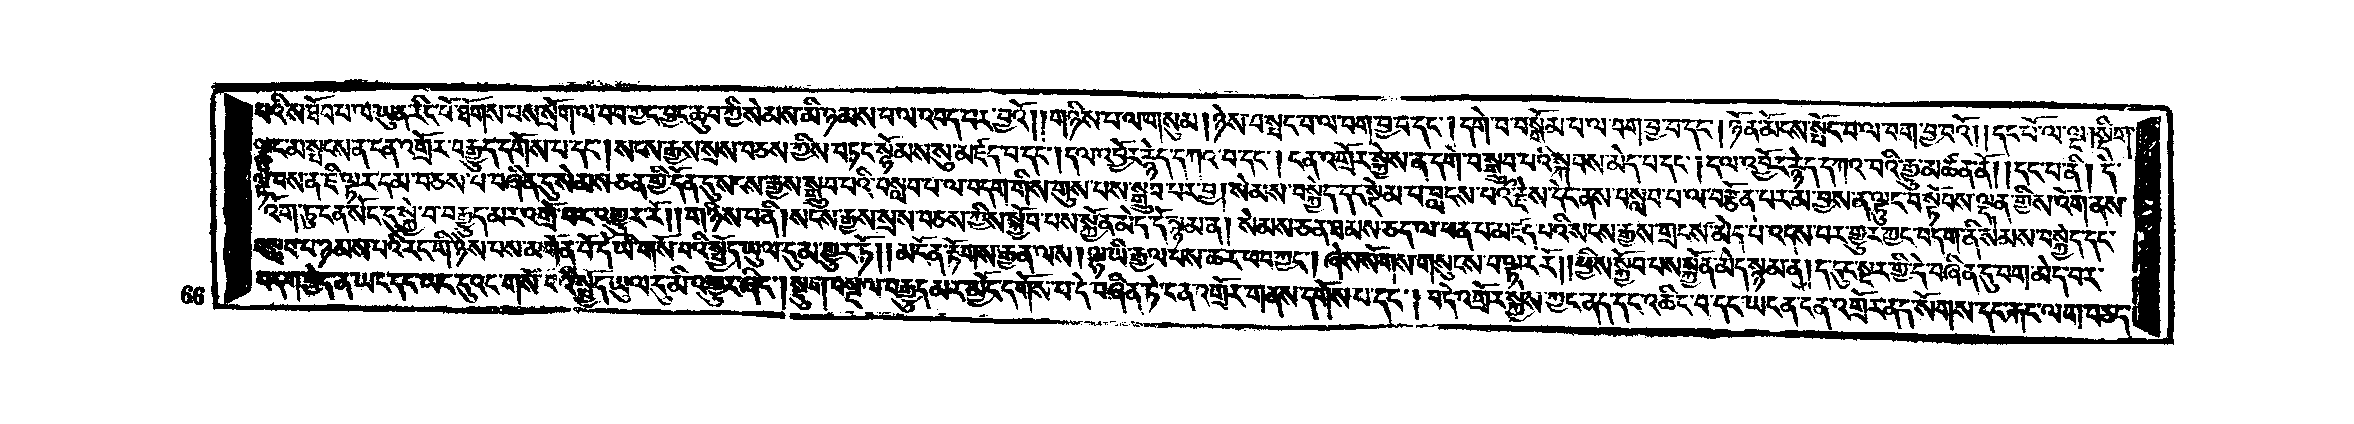པས་ས་ཐོབ་པ་ལ་ཡུན་རིང་པོ་ཐོགས་པས་སྲོག་ལ་བབ་ཀྱང་མྱང་ཆུབ་ཀྱི་སེམས་མི་ཉམས་པ་ལ་འབད་པར་བྱའོ། །གཉིས་པ་ལ་གསུམ། ཉེས་པ་སྤང་བ་ལ་བག་བྱ་བ་དང་། དགེ་བ་བསྒོམ་པ་ལ་བག་བྱ་བ་དང་། ཉོན་མོངས་སྤོང་བ་ལ་བག་བྱ་བའོ། །དང་པོ་ལ་ལྔ། སྡིག་
ལྟུང་མ་སྤངས་ན་ངན་འགྲོར་བརྒྱུད་དགོས་པ་དང་། སངས་རྒྱས་སྲས་བཅས་ཀྱིས་བཏང་སྙོམས་སུ་མཛད་པ་དང་། དལ་འབྱོར་རྙེད་དཀའ་བ་དང་། ངན་འགྲོར་སྐྱེས་ན་དགེ་བ་སྒྲུབ་པའི་སྐབས་མེད་པ་དང་། དལ་འབྱོར་རྙེད་དཀའ་བའི་རྒྱུ་མཚན་ནོ། །དང་པོ་ནི། དེ་
ལྟ་བས་ན་ཇི་ལྟར་དམ་བཅས་པ་བཞིན་དུ་སེམས་ཅན་གྱི་དོན་དུ་སངས་རྒྱས་སྒྲུབ་པའི་བསླབ་པ་ལ་བདག་གིས་གུས་པས་སྒྲུབ་པར་བྱ། སེམས་བསྐྱེད་དང་སྡོམ་པ་བླངས་པའི་རྗེས་དེང་ནས་བསླབ་པ་ལ་བརྩོན་པར་མ་བྱས་ན་ལྟུང་བ་སྟོབས་ལྡན་གྱིས་འོག་ནས་
འོག་ཏུ་ངན་སོང་དུ་སྐྱེ་བ་བརྒྱུད་མར་འགྲོ་བར་འགྱུར་རོ། །གཉིས་པ་ནི། སངས་རྒྱས་སྲས་བཅས་ཀྱིས་སྐྱོབ་པས་སྐྱོན་མེད་དོ་སྙམ་ན། སེམས་ཅན་ཐམས་ཅད་ལ་ཕན་པ་མཛད་པའི་སངས་རྒྱས་གྲངས་མེད་པ་འདས་པར་གྱུར་ཀྱང་བདག་ནི་སེམས་བསྐྱེད་དང་
བསླབ་པ་ཉམས་པའི་རང་གི་ཉེས་པས་མགོན་པོ་དེ་ཡི་གསོ་བའི་སྤྱོད་ཡུལ་དུ་མ་གྱུར་ཏོ། །མངོན་རྟོགས་རྒྱན་ལས། ལྷ་ཡི་རྒྱལ་བས་ཆར་ཕབ་ཀྱང་། ཞེས་སོགས་གསུངས་པ་ལྟར་རོ། །ཕྱིས་སྐྱོབ་པས་སྐྱོན་མེད་སྙམ་ན། ད་དུང་སྔར་གྱི་དེ་བཞིན་དུ་བག་མེད་པར་
བདག་བྱེད་ན་ཡང་དང་ཡང་དུའང་གསོ་བའི་སྤྱོད་ཡུལ་དུ་མི་འགྱུར་ཞིང་། སྡུག་བསྔལ་བརྒྱུད་མར་མྱོང་དགོས་པ་དེ་བཞིན་ཏེ་ངན་འགྲོར་གནས་དགོས་པ་དང་། བདེ་འགྲོར་སྐྱེས་ཀྱང་ནད་དང་འཆིང་བ་དང་ཡང་ན་ངན་འགྲོར་ནད་སོགས་དང་རྐང་ལག་བཅད་